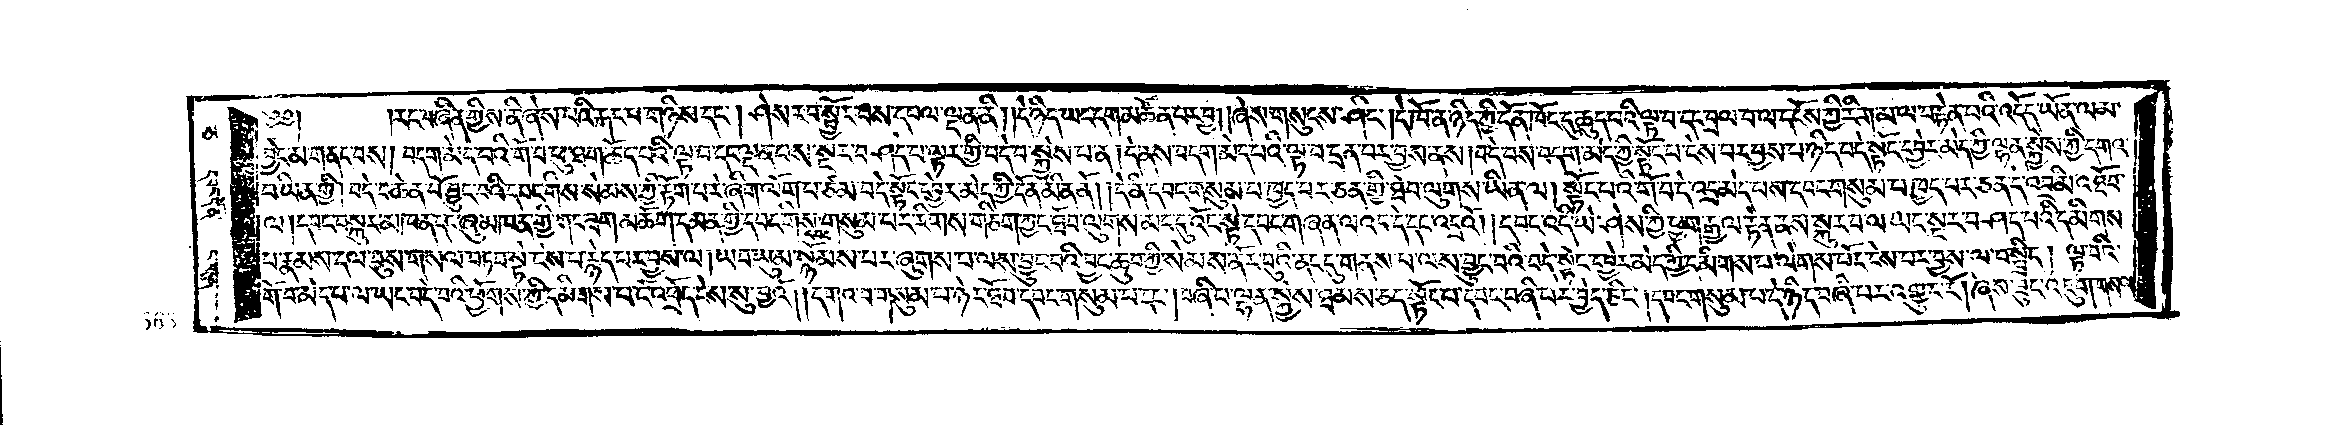༄༅། །རང་བཞིན་གྱིས་ནི་ཞེས་པའི་རྐང་པ་གཉིས་དང་། ཤེས་རབ་སྦྱོར་བས་དཔལ་ལྡན་ནི། །དེ་ཉིད་ཡང་དག་མཚོན་པར་བྱ། །ཞེས་གསུངས་ཤིང་། དེ་ཁོ་ན་ཉིད་ཀྱི་དོན་ཁོང་དུ་ཆུད་པའི་ལྟ་བ་དང་བྲལ་བ་ལ་དངོས་ཀྱི་རིག་མ་ལ་བརྟེན་པའི་འདོད་ཡོན་ལམ་
བྱེད་མ་གནང་བས། བདག་མེད་པའི་གོ་བ་ཕུ་ཐག་ཆོད་པའི་ལྟ་བ་དང་ལྡན་པས་སྔར་བཤད་པ་ལྟར་གྱི་བདེ་བ་སྐྱེས་པ་ན། དེ་ནས་བདག་མེད་པའི་ལྟ་བ་དྲན་པར་བྱས་ནས། བདེ་བས་བདག་མེད་ཀྱི་སྟོང་པ་ངེས་པར་བྱས་པ་ཉིད་བདེ་སྟོང་དབྱེར་མེད་ཀྱི་ལྷན་སྐྱེས་ཀྱི་དགའ་
བ་ཡིན་གྱི། བདེ་བ་ཆེན་པོ་བྱུང་བའི་དབང་གིས་སེམས་ཀྱི་རྟོག་པ་རེ་ཞིག་ལོག་པ་ཙམ་བདེ་སྟོང་དབྱེར་མེད་ཀྱི་དོན་མིན་ནོ། །དེ་ནི་དབང་གསུམ་པ་ཁྱད་པར་ཅན་གྱི་ཐོབ་ལུགས་ཡིན་ལ། སྟོང་པའི་གོ་བ་དེ་འདྲ་མེད་པས་དབང་སུམ་པ་ཁྱད་པར་ཅན་དེ་འདྲ་མི་འཐོབ་
ལ། དབང་བསྐུར་མཁན་དང་ཞུ་མཁན་གྱི་གང་ཟག་མཆོག་དམན་གྱི་དབང་གིས་དབང་གསུམ་པར་རིགས་གཅིག་ཀྱང་ཐོབ་ལུགས་མང་དུ་འོང་སྟེ་དབང་གཞན་ལའང་དེ་དང་འདྲའོ། །དབང་འདི་ཡེ་ཤེས་ཀྱི་ཕྱག་རྒྱ་ལ་རྟེན་ནས་སྐུར་བ་ལ་ཡང་སྔར་བཤད་པའི་དམིགས་
པ་རྣམས་དལ་བུས་གསལ་བཏབ་སྟེ་ངེས་པ་རྙེད་པར་བྱས་ལ། ཡབ་ཡུམ་སྙོམས་པར་ཞུགས་པ་ལས་བྱུང་བའི་བྱང་ཆུབ་ཀྱི་སེམས་ནོར་བུའི་ནང་དུ་གནས་པ་ལས་བྱུང་བའི་བདེ་སྟོང་དབྱེར་མེད་ཀྱི་དམིགས་པ་ལེགས་པོར་ངེས་པར་བྱས་ལ་ངོ་སྤྲད། ལྟ་བའི་
གོ་བ་མེད་པ་ལ་ཡང་བདེ་བའི་ཕྱོགས་ཀྱི་དམིགས་པ་ངོ་འཕྲོད་ངེས་སུ་བྱའོ། །དགའ་བ་གསུམ་པ་ཉེར་ཐོབ་དབང་གསུམ་པ་དང་། བཞི་པ་ལྷན་སྐྱེས་ཐམས་ཅད་སྟོང་པ་དབང་བཞི་པར་བྱེད་ཅིང་། དབང་གསུམ་པ་དེ་ཉིད་བཞི་པར་འགྱུར་རོ། ཞེས་ཟུང་འཇུག་གསལ་